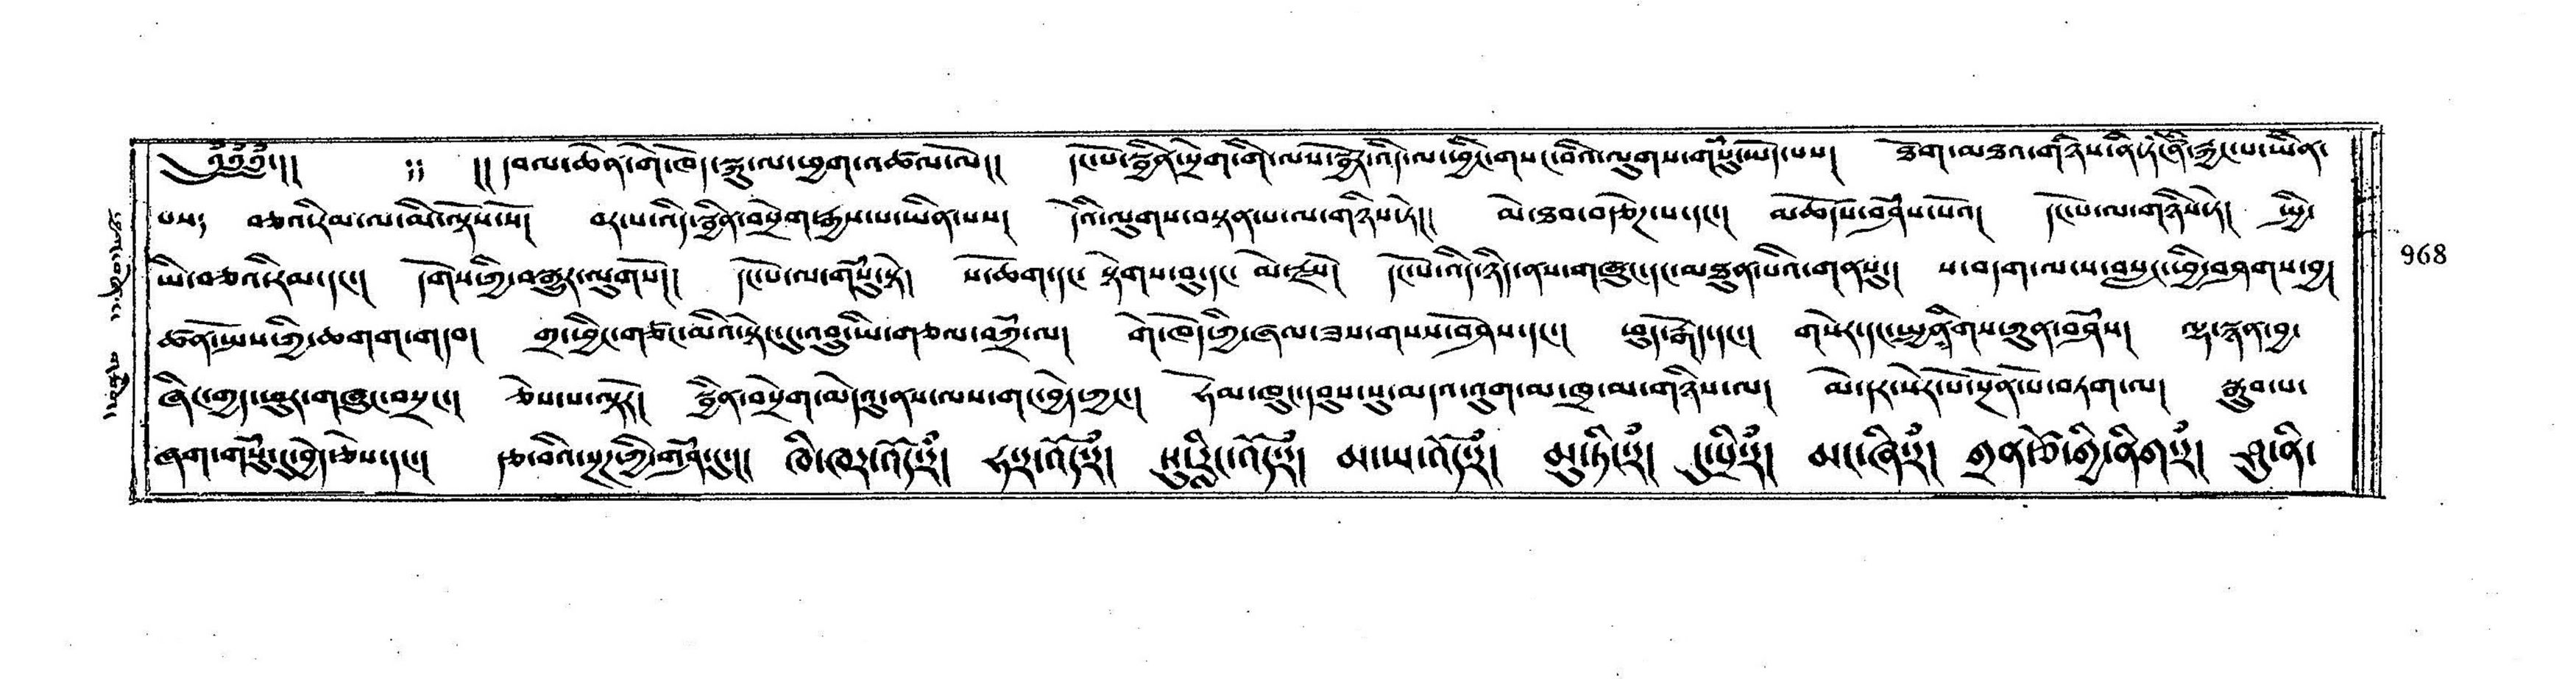༄༅༅།། །།དབལ་ཆེན་གེ་ཁོད་སྐུ་ལ་ཕྱག་འཚལ་ལོ།། དང་པོ་སྦྱིན་སྲེག་གི་ལས་སྦྱོར་འདི་ལ་ཕྱིན་ནང་གསང་བའི་ལུགས་གསུམ་ཡོད་པས། ཐོག་མཐའ་གཉིས་ནི་ཏིང་འཛིན་རྐྱང་པ་ཡིན་
པས། བཅའ་རིམ་ལ་མི་ལྟོས་སོ། བར་པ་འདི་སྦྱིན་བསྲེག་རྒྱས་པ་ཡིན་པས། དེའི་ལུགས་བསྟན་པ་ལ་གཉིས་ཏེ།། མེ་ཐབ་བརྩེགས་པ་དང་། མཆོད་རྫས་བཤམས་པའོ། དང་པོ་ལ་གཉིས་ཏེ། སྤྱི་
ཡི་བཅའ་རིམ་དང་། དགོས་ཀྱི་བསྒྱུར་ལུགས་སོ། དང་པོ་ལ་གསུམ་སྟེ། ས་ཆོག་དང་སྟེགས་བུ་དང་མེ་རྫསོ། དང་པོ་འདི་ཉིད་ནས་གཞུང་དང་མཐུན་པའི་གནས་སུ། ས་བདག་ལ་ས་བསླང་ཕྱི་བཤགས་བྱ། 
ཚན་སྤོས་ཀྱི་ཆག་ཆག་གདབ། གྲ་ཕྱི་ནང་གཙང་མའི་སྟེང་དུ་འབྲུ་ཡི་གཅལ་བཀྲམ་ལ། གེ་ཁོད་ཀྱི་ཞལ་ཟས་གསས་བཤོས་དང་། ཕུད་རྒོད་དང་། གསེར་དང་སྤྱན་གཟིགས་ཀུན་བཤམས། ལྷ་སྙན་བྱ་
ཞིང་གྱད་ཕུར་གཞུང་བསྲང་། ཅེས་པ་ལྟར་རོ། སྦྱིན་བསྲེག་མདེའུ་ནས་ལས་གང་བྱེད་ཀྱང་། ཧོམ་ཁུང་དབུས་སུ་མདའ་འུག་མ་ཁྲ་མ་གཉིས་ལ། མེ་དར་སེར་པོ་སྔོན་པོ་བཏག་ལ། སྒྲུབ་པ་
ཞག་གསུམ་དུ་བྱེད་ཅེས་དང་། རྩ་བའི་སྔགས་ཀྱི་གནམ་དུ།། ཁི་ཁར་འོད་རཾ། ཧ་ར་འོད་རཾ། སུ་རླིང་འོད་རཾ། མ་ཡ་འོད་རཾ། མུ་ཏིང་རཾ། དུ་པྲི་རཾ། མར་ཞི་རཾ། གྲན་ཙེ་གྱི་ནིག་རཾ། ཤུ་ནི་